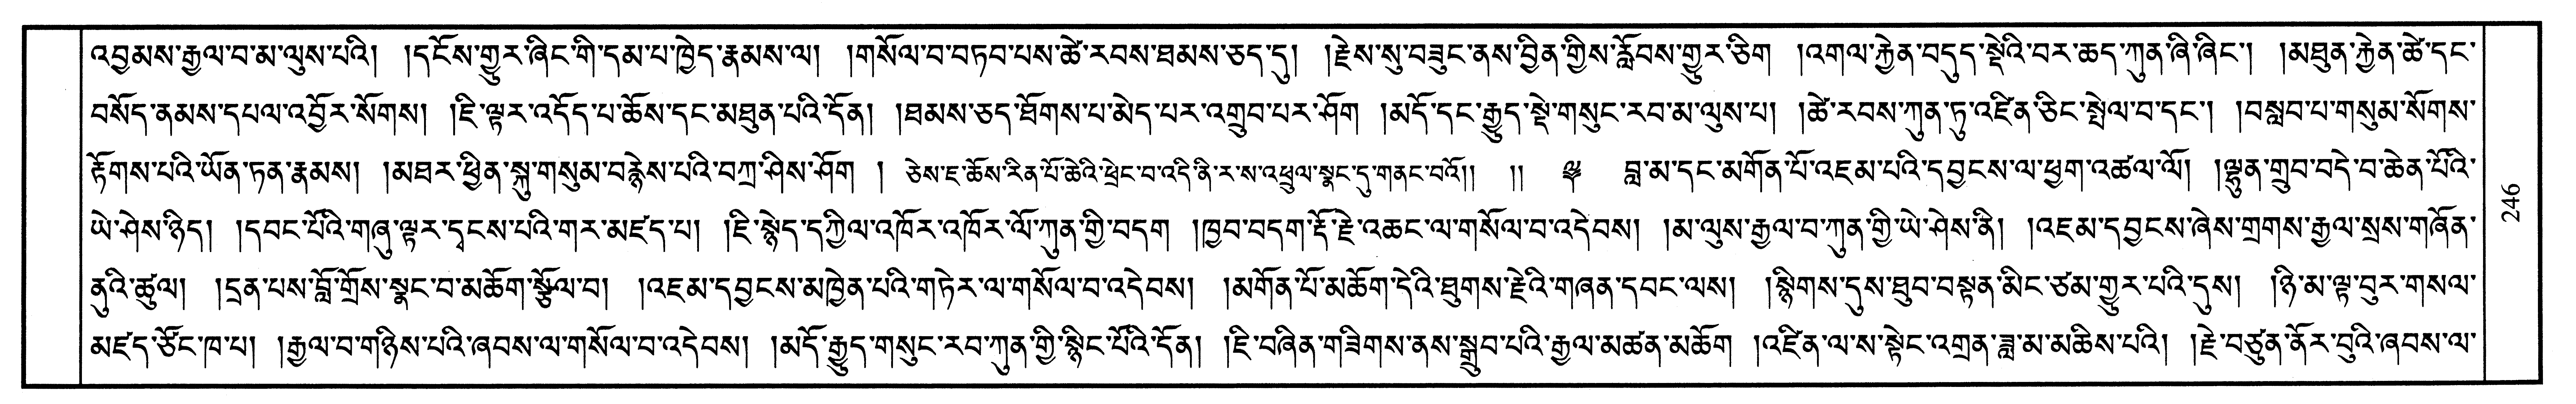འབྱམས་རྒྱལ་བ་མ་ལུས་པའི། །དངོས་གྱུར་ཞིང་གི་དམ་པ་ཁྱེད་རྣམས་ལ། །གསོལ་བ་བཏབ་པས་ཚེ་རབས་ཐམས་ཅད་དུ། །རྗེས་སུ་བཟུང་ནས་བྱིན་གྱིས་རློབས་གྱུར་ཅིག །འགལ་རྐྱེན་བདུད་སྡེའི་བར་ཆད་ཀུན་ཞི་ཞིང་། །མཐུན་རྐྱེན་ཚེ་དང་
བསོད་ནམས་དཔལ་འབྱོར་སོགས། །ཇི་ལྟར་འདོད་པ་ཆོས་དང་མཐུན་པའི་དོན། །ཐམས་ཅད་ཐོགས་པ་མེད་པར་འགྲུབ་པར་ཤོག །མདོ་དང་རྒྱུད་སྡེ་གསུང་རབ་མ་ལུས་པ། །ཚེ་རབས་ཀུན་ཏུ་འཛིན་ཅིང་སྤེལ་བ་དང་། །བསླབ་པ་གསུམ་སོགས་
རྟོགས་པའི་ཡོན་ཏན་རྣམས། །མཐར་ཕྱིན་སྐུ་གསུམ་བརྙེས་པའི་བཀྲ་ཤིས་ཤོག །ཅེས་ཇ་ཆོས་རིན་པོ་ཆེའི་ཕྲེང་བ་འདི་ནི་ར་ས་འཕྲུལ་སྣང་དུ་གནང་བའོ།། །། ༈ བླ་མ་དང་མགོན་པོ་འཇམ་པའི་དབྱངས་ལ་ཕྱག་འཚལ་ལོ། །ལྷུན་གྲུབ་བདེ་བ་ཆེན་པོའི་
ཡེ་ཤེས་ཉིད། །དབང་པོའི་གཞུ་ལྟར་དྭངས་པའི་གར་མཛད་པ། །ཇི་སྙེད་དཀྱིལ་འཁོར་འཁོར་ལོ་ཀུན་གྱི་བདག །ཁྱབ་བདག་རྡོ་རྗེ་འཆང་ལ་གསོལ་བ་འདེབས། །མ་ལུས་རྒྱལ་བ་ཀུན་གྱི་ཡེ་ཤེས་ནི། །འཇམ་དབྱངས་ཞེས་གྲགས་རྒྱལ་སྲས་གཞོན་
ནུའི་ཚུལ། །དྲན་པས་བློ་གྲོས་སྣང་བ་མཆོག་སྩོལ་བ། །འཇམ་དབྱངས་མཁྱེན་པའི་གཏེར་ལ་གསོལ་བ་འདེབས། །མགོན་པོ་མཆོག་དེའི་ཐུགས་རྗེའི་གཞན་དབང་ལས། །སྙིགས་དུས་ཐུབ་བསྟན་མིང་ཙམ་གྱུར་པའི་དུས། །ཉི་མ་ལྟ་བུར་གསལ་
མཛད་ཙོང་ཁ་པ། །རྒྱལ་བ་གཉིས་པའི་ཞབས་ལ་གསོལ་བ་འདེབས། །མདོ་རྒྱུད་གསུང་རབ་ཀུན་གྱི་སྙིང་པོའི་དོན། །ཇི་བཞིན་གཟིགས་ནས་སྒྲུབ་པའི་རྒྱལ་མཚན་མཆོག། །འཛིན་ལ་ས་སྟེང་འགྲན་ཟླ་མ་མཆིས་པའི། །རྗེ་བཙུན་ནོར་བུའི་ཞབས་ལ་